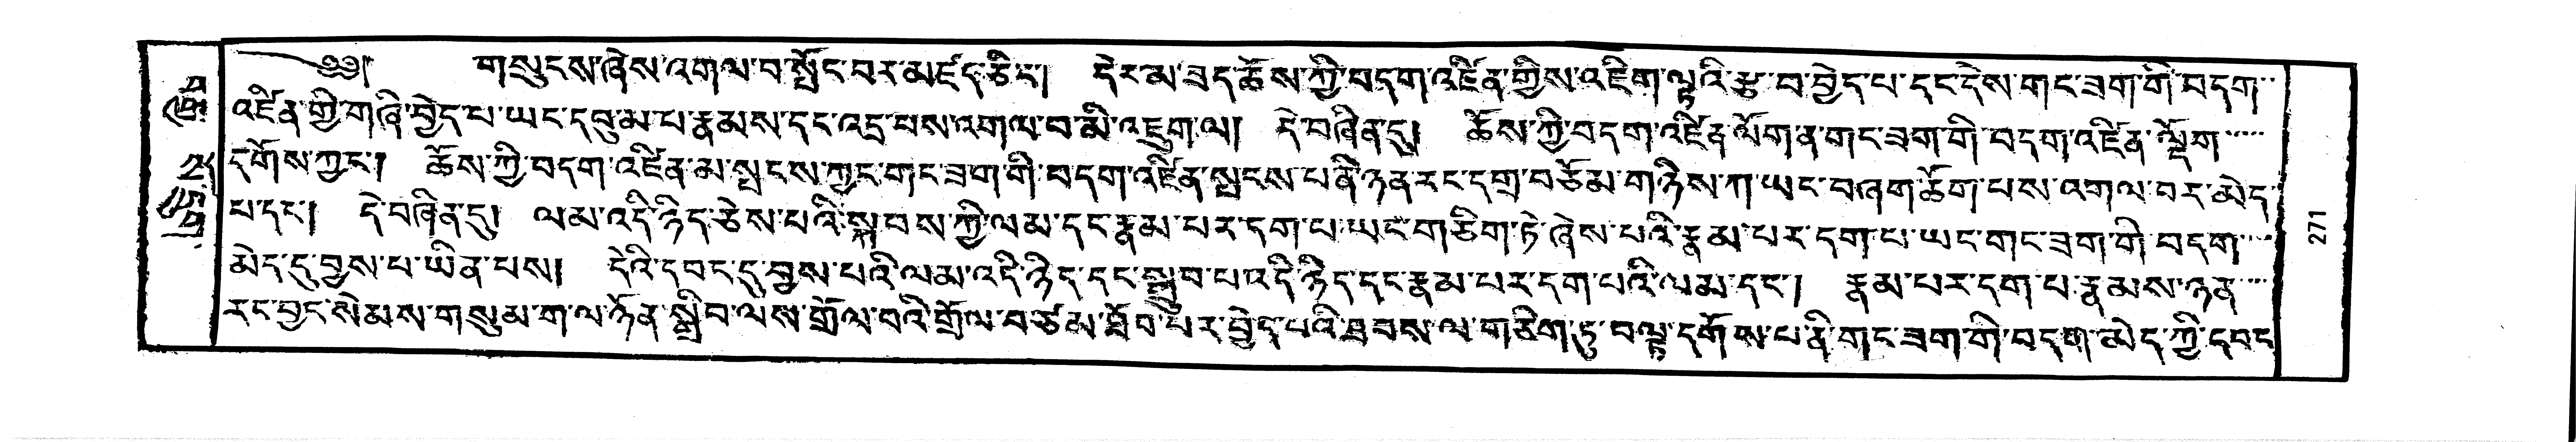༄༅། །གསུངས་ཞེས་འགལ་བ་སྤོང་བར་མཛད་ཅིང་། དེར་མ་ཟད་ཆོས་ཀྱི་བདག་འཛིན་གྱིས་འཇིག་ལྟའི་རྩ་བ་བྱེད་པ་དང་དེས་གང་ཟག་གི་བདག་
འཛིན་གྱི་གཞི་བྱེད་པ་ཡང་དབུ་མ་པ་རྣམས་དང་འདྲ་པས་འགལ་བ་མི་འཇུག་ལ། དེ་བཞིན་དུ། ཆོས་ཀྱི་བདག་འཛིན་ལོག་ན་གང་ཟག་གི་བདག་འཛིན་ལྡོག་
དགོས་ཀྱང་། ཆོས་ཀྱི་བདག་འཛིན་མ་སྤངས་ཀྱང་གང་ཟག་གི་བདག་འཛིན་སྤངས་པ་ནི་ཉན་རང་དགྲ་བཅོམ་གཉིས་ཀ་ཡང་བཞག་ཆོག་པས་འགལ་བར་མེད་
པ་དང་། དེ་བཞིན་དུ། ལམ་འདི་ཉིད་ཅེས་པའི་སྐབས་ཀྱི་ལམ་དང་རྣམ་པར་དག་པ་ཡང་གཅིག་ཏེ་ཞེས་པའི་རྣམ་པར་དག་པ་ཡང་གང་ཟག་གི་བདག་
མེད་དུ་བྱས་པ་ཡིན་པས། དེའི་དབང་དུ་བྱས་པའི་ལམ་འདི་ཉིད་དང་སྒྲུབ་པ་འདི་ཉིད་དང་རྣམ་པར་དག་པའི་ལམ་དང་། རྣམ་པར་དག་པ་རྣམས་ཉན་
རང་བྱང་སེམས་གསུམ་ག་ལ་ཉོན་སྒྲིབ་ལས་གྲོལ་བའི་གྲོལ་བ་ཙམ་ཐོབ་པར་བྱེད་པའི་ཐབས་ལ་གཅིག་ཏུ་བལྟ་དགོས་པ་ནི་གང་ཟག་གི་བདག་མེད་ཀྱི་དབང་